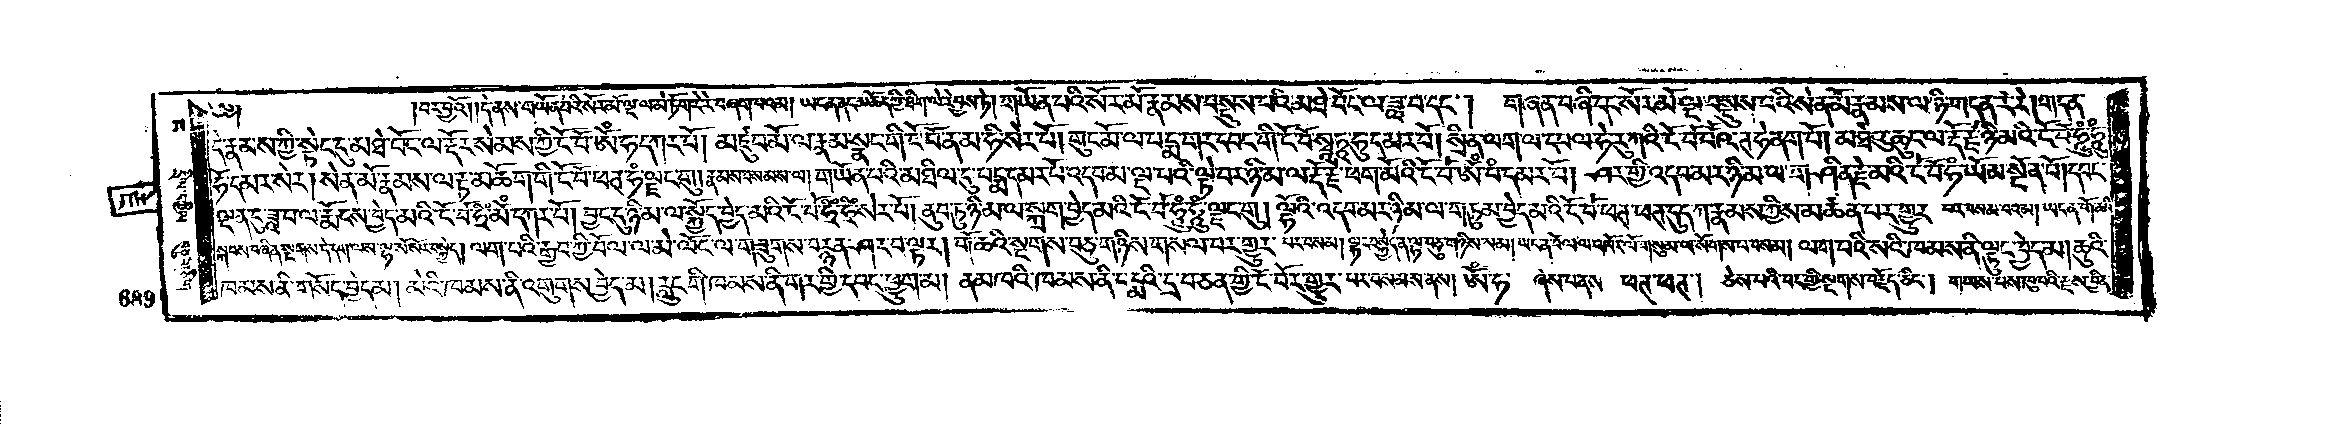༄༅། །བར་བྱའོ། །དེ་ནས་གཡོན་པའི་སོར་མོ་ལྔ་ལ་མེ་ཏོག་རེ་རེ་བཞག་པའམ། ཡང་ན་ནང་མཆོད་ཀྱི་ཐིག་ལེ་རེ་བྱས་ཏེ། གཡོན་པའི་སོར་མོ་རྣམས་བསྡུས་པའི་མཐེ་བོང་ལ་ཟླ་བ་དང་། གཞན་བཞི་དང་སོར་མོ་ལྔ་བསྡུས་པའི་སེན་མོ་རྣམས་ལ་ཉི་གདན་རེ་རེ། གདན་
དེ་རྣམས་ཀྱི་སྟེང་དུ་མཐེ་བོང་ལ་རྡོར་སེམས་ཀྱི་ངོ་བོ་ཨོཾ་ཧ་དཀར་པོ། མཛུབ་མོ་ལ་རྣམ་སྣང་གི་ངོ་བོ་ན་མ་ཧི་སེར་པོ། གུང་མོ་ལ་པདམ་གར་དབང་གི་ངོ་བོ་སྭཱཧཱ་ཧུ་དམར་པོ། སྲིན་ལག་ལ་དཔལ་ཧེ་རུ་ཀའི་ངོ་བོ་བཽཥ་ཊ་ཧེ་ནག་པོ། མཐེའུ་ཆུང་ལ་རྡོ་རྗེ་ཉི་མའི་ངོ་བོ་ཧཱུཾ་ཧཱུཾ་
ཧོ་དམར་སེར། སེན་མོ་རྣམས་ལ་རྟ་མཆོག་གི་ངོ་བོ་ཕཊ་ཧཾ་ལྗང་གུ། རྣམས་བསམས་ལ།  གཡོན་པའི་མཐིལ་དུ་པདམ་དམར་པོ་འདབ་མ་ལྔ་པའི་ལྟེ་བར་ཉི་མ་ལ་རྡོ་རྗེ་ཕག་མོའི་ངོ་བོ་ཨོཾ་བཾ་དམར་པོ། ཤར་གྱི་འདབ་མར་ཉི་མ་ལ་གཤིན་རྗེ་མའི་ངོ་བོ་ཧཾ་ཡོམ་སྔོན་པོ། དབང་
ལྡན་དུ་ཟླ་བ་ལ་རྨོངས་བྱེད་མའི་ངོ་བོ་ཧྲིཾ་མོཾ་དཀར་པོ། བྱང་དུ་ཉི་མ་ལ་སྐྱོད་བྱེད་མའི་ངོ་བོ་ཧྲིཾ་ཧྲིཾ་སེར་པོ། ནུབ་ཏུ་ཉི་མ་ལ་སྐྲག་བྱེད་མའི་ངོ་བོ་ཧཱུཾ་ཧཱུཾ་ལྗང་གུ། ལྷོའི་འདབ་མར་ཉི་མ་ལ་གཏུམ་བྱེད་མའི་ངོ་བོ་ཕཊ་ཕཊ་དུད་ཀ་རྣམས་ཀྱིས་མཚན་པར་གྱུར་པར་བསམ་པའམ། ཡང་ན་གོ་ཆའི་
སྐབས་བཞིན་སྔགས་དེ་དག་ལས་ལྷ་སོ་སོར་བསྐྱེད། ལག་པའི་རྒྱབ་ཀྱི་བོལ་ལ་མེ་ལོང་ལ་གཟུགས་བརྙན་ཤར་བ་ལྟར། གོ་ཆའི་སྔགས་བཅུ་གཉིས་གསལ་བར་གྱུར་པར་བསམ། ལྷར་བསྐྱེད་ན་ལྷ་བཅུ་གཉིས་སམ། ཡང་ན་བོལ་ལ་འཁོར་ལོ་གསུམ་ལ་སོགས་པ་བསམ།  ལག་པའི་སའི་ཁམས་ནི་ལྟུང་བྱེད་མ། ཆུའི་
ཁམས་ནི་གསོད་བྱེད་མ། མེའི་ཁམས་ནི་འགུགས་བྱེད་མ། རླུང་གི་ཁམས་ནི་གར་གྱི་དབང་ཕྱུག་མ། ནམ་མཁའི་ཁམས་ནི་པདམའི་དྲ་བ་ཅན་གྱི་ངོ་བོར་གྱུར་པར་བསམས་ནས།  ཨོཾ་ཧ་ཞེས་པ་ནས་ཕཊ་ཕཊ། ཅེས་པའི་བར་གྱི་སྔགས་བརྗོད་ཅིང་། གཡས་པས་ཁུ་བའི་རྫས་བྱིན་